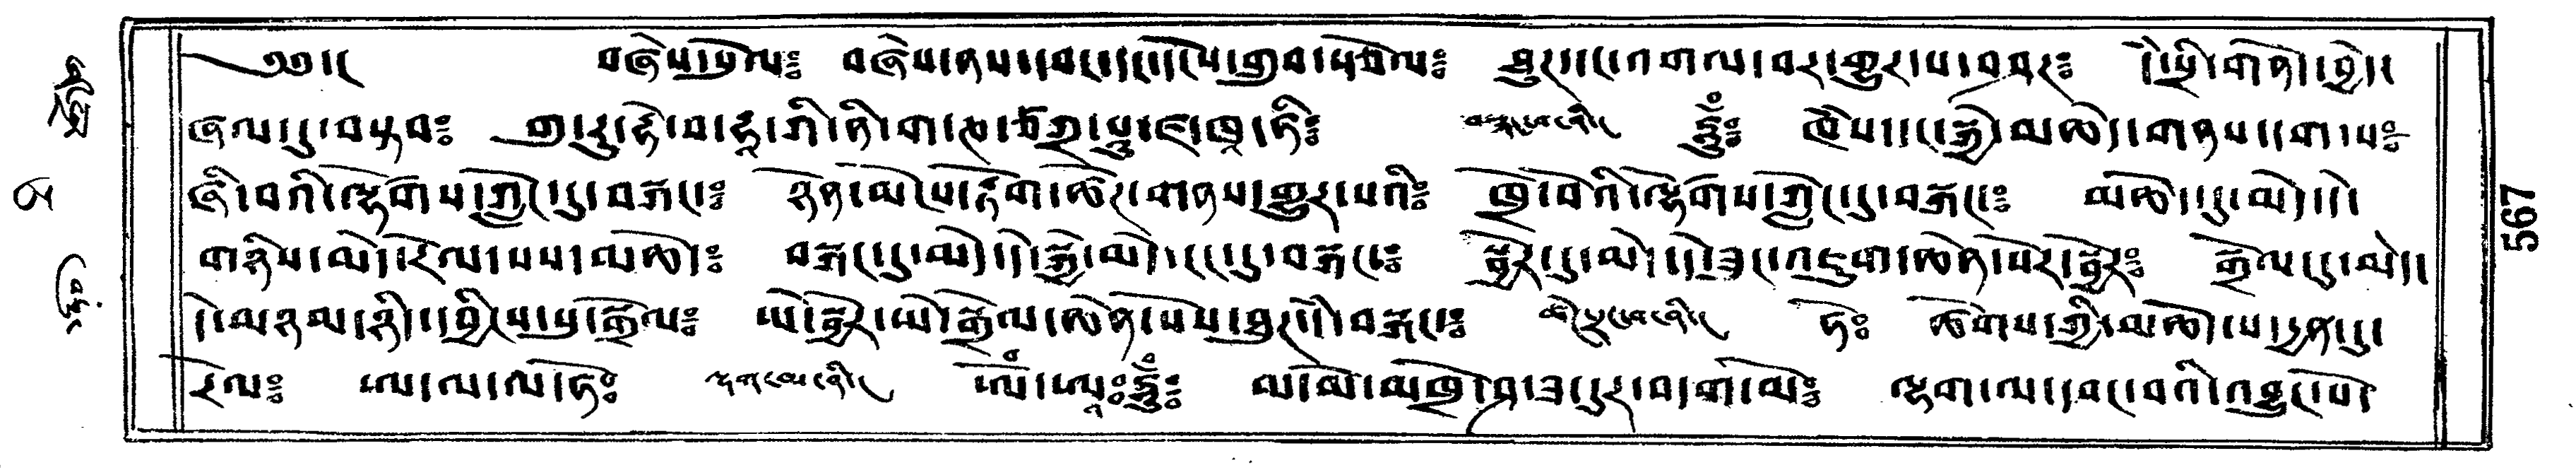བཞེས་སུ་གསོལ༔ བཞེས་ནས་དབང་དང་དངོས་གྲུབ་སྩོལ༔ ཐུགས་དང་འགལ་བར་གྱུར་པ་བཤགས༔ དམ་སྲི་གནོད་བྱེད་
ཞལ་དུ་བསྟབ༔ གུ་རུ་དྷེ་ཝ་ཌཱཀྐྀ་ནི་གཱ་ཎ་ཙཀྲ་པཱུ་ཛ་ཁཱ་ཧི༔ བསྐང་བ་ནི། ཧཱུྃ༔ ཁམས་དང་སྐྱེ་མཆེད་གནས་དག་པ༔
ཞི་བའི་ལྷ་ཚོགས་ཀློང་དུ་བསྐང༔ ཉོན་མོངས་རྟོག་ཚོགས་གནས་གྱུར་པའི༔ ཁྲོ་བོའི་ལྷ་ཚོགས་ཀློང་དུ་བསྐང༔ མཆོད་དུ་མེད་དེ་
གཉིས་མེད་རོལ་པས་མཆོད༔ བསྐང་དུ་མེད་དེ་སྐྱེ་མེད་ངང་དུ་བསྐང༔ སྦྱོར་དུ་མེད་དེ་ཟུང་འཇུག་ཆེན་པོར་སྦྱོར༔ སྒྲོལ་དུ་མེད་
དེ་མཉམ་ཉིད་དབྱིངས་སུ་སྒྲོལ༔ ཡེ་སྦྱོར་ཡེ་སྒྲོལ་ཆེན་པོས་ཐུགས་དམ་བསྐང༔ ཚོགས་དྲང་བ་ནི། ཧོ༔ ཚོགས་ཀྱི་མཆོད་པ་རྒྱན་དུ་
རོལ༔ ཨ་ལ་ལ་ཧོ༔ ལྷག་མ་ནི། ཨོཾ་ཨཱཿཧཱུྃ༔ མ་མོ་མཁའ་འགྲཽ་ཤ་ཟ་དུར་བདག་མོ༔ ལྷག་ལ་དབང་བའི་འབྱུང་པོ་